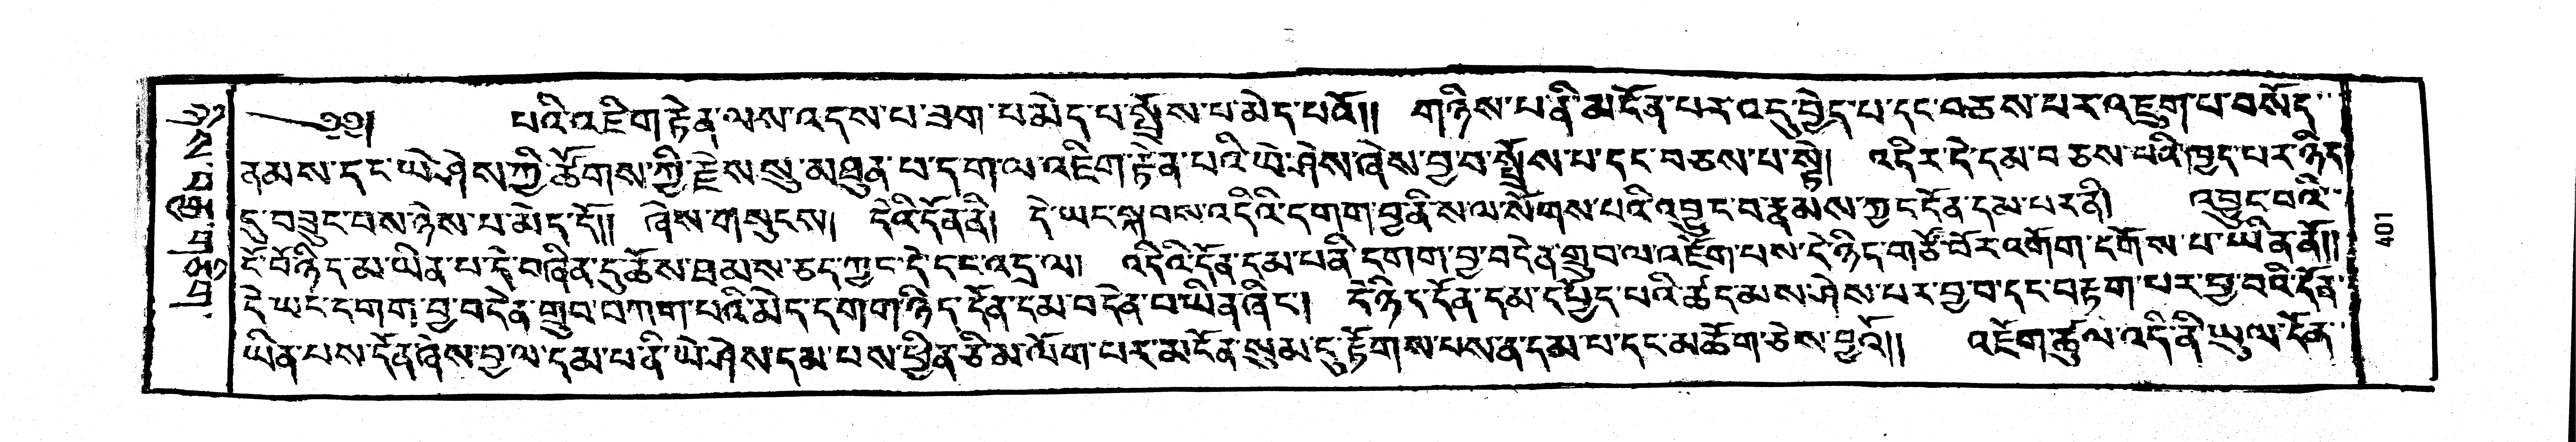༄༅། །པའི་འཇིག་རྟེན་ལས་འདས་པ་ཟག་པ་མེད་པ་སྤྲོས་པ་མེད་པའོ། །གཉིས་པ་ནི་མངོན་པར་འདུ་བྱེད་པ་དང་བཅས་པར་འཇུག་པ་བསོད་
ནམས་དང་ཡེ་ཤེས་ཀྱི་ཚོགས་ཀྱི་རྗེས་སུ་མཐུན་པ་དག་ལ་འཇིག་རྟེན་པའི་ཡེ་ཤེས་ཞེས་བྱ་བ་སྤྲོས་པ་དང་བཅས་པ་སྟེ། འདིར་དེ་དམ་བཅས་པའི་ཁྱད་པར་ཉིད་
དུ་བཟུང་བས་ཉེས་པ་མེད་དོ། །ཞེས་གསུངས། དེའི་དོན་ནི། དེ་ཡང་སྐབས་འདིའི་དགག་བྱ་ནི་ས་ལ་སོགས་པའི་འབྱུང་བ་རྣམས་ཀྱང་དོན་དམ་པར་ནི། འབྱུང་བའི་
ངོ་བོ་ཉིད་མ་ཡིན་པ་དེ་བཞིན་དུ་ཆོས་ཐམས་ཅད་ཀྱང་དེ་དང་འདྲ་ལ། འདིའི་དོན་དམ་པ་ནི་དགག་བྱ་བདེན་གྲུབ་ལ་འཇོག་པས་དེ་ཉིད་གཙོ་བོར་འགོག་དགོས་པ་ཡིན་ནོ། །
དེ་ཡང་དགག་བྱ་བདེན་གྲུབ་བཀག་པའི་མེད་དགག་ཉིད་དོན་དམ་བདེན་པ་ཡིན་ཞིང་། དེ་ཉིད་དོན་དམ་དཔྱོད་པའི་ཚད་མས་ཤེས་པར་བྱ་བ་དང་བརྟག་པར་བྱ་བའི་དོན་
ཡིན་པས་དོན་ཞེས་བྱ་ལ་དམ་པ་ནི་ཡེ་ཤེས་དམ་པས་ཕྱིན་ཅི་མ་ལོག་པར་མངོན་སུམ་དུ་རྟོགས་པས་ན་དམ་པ་དང་མཆོག་ཅེས་བྱའོ། །འཇོག་ཚུལ་འདི་ནི་ཡུལ་དོན་